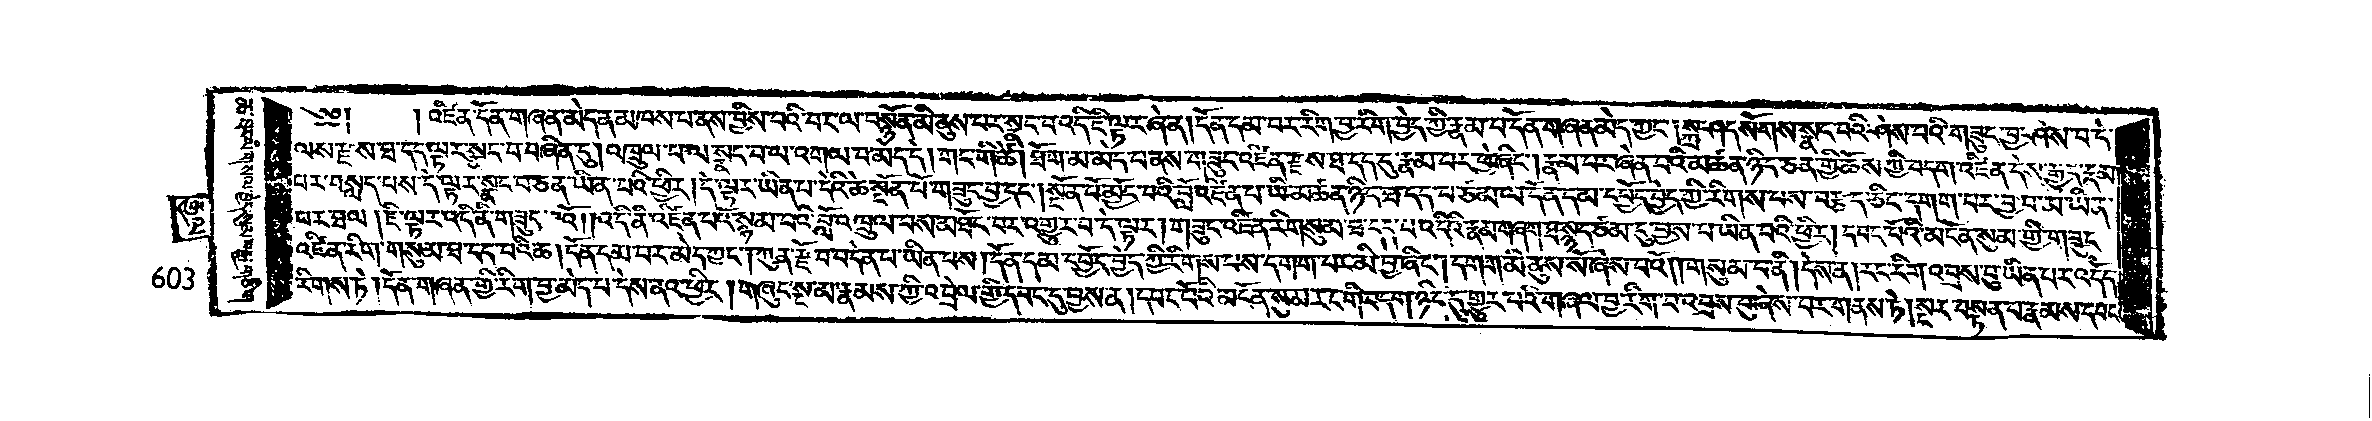༄༅། །འཛིན་དོན་གཞན་མེད་ན་མཁས་པ་ནས་བྱིས་པའི་བར་ལ་བསྙོན་མི་ནུས་པར་སྣང་བ་འདི་ཇི་ལྟར་ཞེ་ན། དོན་དམ་པར་རིག་བྱ་རིག་བྱེད་ཀྱི་རྣམ་པ་དོན་གཞན་མེད་ཀྱང༑ སྐྲ་ཤད་སོགས་སྣང་བའི་ཤེས་པའི་གཟུང་བྱ་ཤེས་པ་དེ་
ལས་རྫས་ཐ་དད་ལྟར་སྣང་བ་བཞིན་དུ། འཁྲུལ་པ་ལ་སྣང་བ་ལ་འགལ་བ་མེད་དེ། གང་གི་ཚེ། ཐོག་མ་མེད་པ་ནས་གཟུང་འཛིན་རྫས་ཐ་དད་དུ་རྣམ་པར་ཕྱེ་ཞིང་། རྣམ་པར་ཞེན་པའི་མཚན་ཉིད་ཅན་གྱི་ཆོས་ཀྱི་བདག་འཛིན་དེས་རྒྱུད་རྣམ་
པར་བསླད་པས་དེ་ལྟར་སྣང་བ་ཅན་ཡིན་པའི་ཕྱིར། དེ་ལྟར་ཡིན་པ་དེའི་ཚེ་སྔོན་པོ་གཟུང་བྱ་དང༑ སྔོན་པོ་མྱོང་བའི་བློ་འཛིན་པ་ཡི་མཚན་ཉིད་ཐ་དད་པ་ཙམ་ལ་དོན་དམ་དཔྱོད་བྱེད་ཀྱི་རིགས་པས་བརྩད་ཅིང་དགག་པར་བྱ་བ་མ་ཡིན་
པར་ཐལ་།ཇི་ལྟར་འདི་ནི་གཟུང་བའོ། །འདི་ནི་འཛིན་པའོ་སྙམ་པའི་བློ་འཁྲུལ་བས་མཐོང་བར་འགྱུར་བ་དེ་ལྟར། གཟུང་འཛིན་རིགས་སུམ་ཐ་དད་པ་འདིའི་རྣམ་གཞག་ཐ་སྙད་ཙམ་དུ་བྱས་པ་ཡིན་པའི་ཕྱིར། དབང་པོའི་མངོན་སུམ་གྱི་གཟུང་
འཛིན་རིག་གསུམ་ཐ་དད་པའི་ཆ། དོན་དམ་པར་མེད་ཀྱང༑ ཀུན་རྫོབ་བདེན་པ་མིན་པས། དོན་དམ་དཔྱོད་བྱེད་ཀྱི་རིགས་པས་དགག་པར་མི་བྱ་ཞིང༑ དགག་མི་ནུས་སོ་ཞེས་པའོ། །གསུམ་པ་ནི། དེས་ན། རང་རིག་འབྲས་བུ་ཡིན་པར་འདོད་
རིགས་ཏེ། དོན་གཞན་གྱི་རིག་བྱ་མེད་པ་དེས་ནའ་ཕྱིར། གཞུང་སྔ་མ་རྣམས་ཀྱི་འབྲེལ་གྱི་དབང་དུ་བྱས་ན། དབང་པོའི་མངོན་སུམ་རང་གི་བདག་ཉིད་དུ་གྱུར་པའི་གཞལ་བྱ་རིག་པ་འབྲས་བུ་ཞེས་པར་གནས་ཏེ། སྔར་བསྟན་པ་རྣམས་དབང་